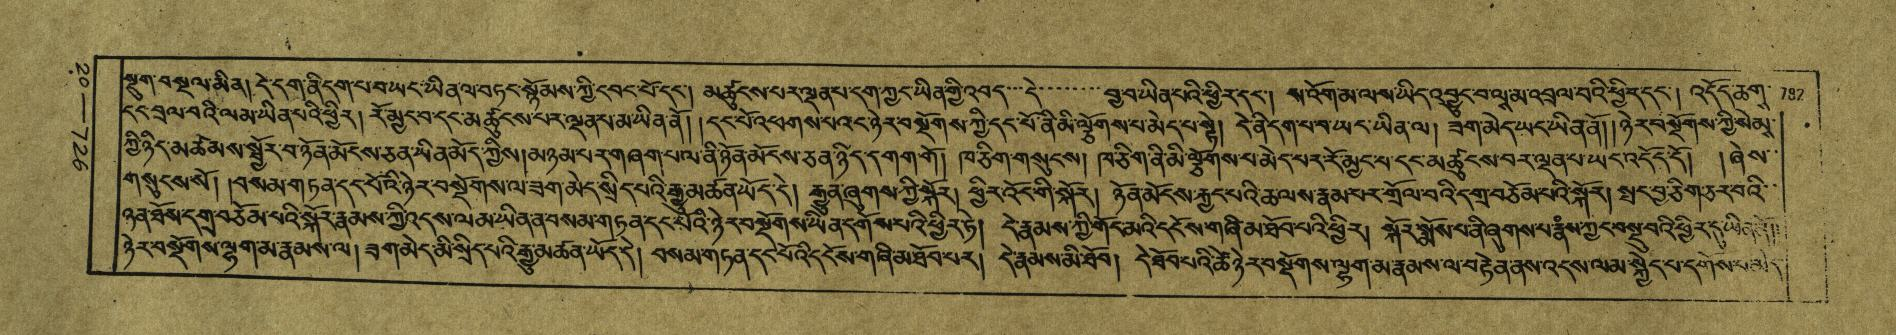སྡུག་བསྔལ་མིན། དེ་དག་ནི་དག་པ་བ་ཡང་ཡིན་ལ་བཏང་སྙོམས་ཀྱི་དབང་པོ་དང་། མཚུངས་པར་ལྡན་པ་དག་ཀྱང་ཡིན་གྱི་འབད་དེ་བྱ་བ་ཡིན་པའི་ཕྱིར་དང་། ས་འོག་མ་ལས་ཡིད་འབྱུང་བ་ལས་མ་འབྲལ་བའི་ཕྱིར་དང་། འདོད་ཆགས་
དང་བྲལ་བའི་ལམ་ཡིན་པའི་ཕྱིར། རོ་མྱང་བ་དང་མཚུངས་པར་ལྡན་པ་མ་ཡིན་ནོ། །དང་པོ་འཕགས་པའང་ཉེར་བསྔོགས་ཀྱི་དང་པོ་ནི་མི་ལྕོགས་པ་མེད་པ་སྟེ། དེ་ནི་དག་པ་བ་ཡང་ཡིན་ལ། ཟག་མེད་ཡང་ཡིན་ནོ། །ཉེར་བསྔོགས་ཀྱི་སེམས་
ཀྱི་ཉིད་མཚམས་སྦྱོར་བ་ཉོན་མོངས་ཅན་ཡིན་མོད་ཀྱིས། མཉམ་པར་གཞག་པ་ལ་ནི་ཉོན་མོངས་ཅན་ཉིད་དགག་གོ། ཁ་ཅིག་གསུངས། ཁ་ཅིག་ནི་མི་ལྕོགས་པ་མེད་པར་རོ་མྱང་པ་དང་མཚུངས་བར་ལྡན་པ་ཡང་འདོད་དོ། །ཞེས་
གསུངས་སོ། །བསམ་གཏན་དང་པོའི་ཉེར་བསྔོགས་ལ་ཟག་མེད་སྲིད་པའི་རྒྱུ་མཚན་ཡོད་དེ། རྒྱུན་ཞུགས་ཀྱི་སྐོར། ཕྱིར་འོང་གི་སྐོར། ཉོན་མོངས་རྐྱང་པའི་ཆ་ལས་རྣམ་པར་གྲོལ་བའི་དགྲ་བཅོམ་པའི་སྐོར། སྤང་བྱ་ཅིག་ཅར་བའི་
ཉན་ཐོས་དགྲ་བཅོམ་པའི་སྐོར་རྣམས་ཀྱི་འདས་ལམ་ཡིན་ན་བསམ་གཏན་དང་པོའི་ཉེར་བསྔོགས་ཡིན་དགོས་པའི་ཕྱིར་ཏེ། དེ་རྣམས་ཀྱི་གོང་མའི་དངོས་གཞི་མ་ཐོབ་པའི་ཕྱིར། སྐོར་སྨོས་པ་ནི་ཞུགས་པ་རྣཾས་ཀྱང་བསྡུ་བའི་ཕྱིར་དུ་ཡིན་ནོ།།
ཉེར་བསྔོགས་ལྷག་མ་རྣམས་ལ། ཟག་མེད་མི་སྲིད་པའི་རྒྱུ་མཚན་ཡོད་དེ། བསམ་གཏན་དང་པོའི་དངོས་གཞི་མ་ཐོབ་པར། དེ་རྣམས་མི་ཐོབ། དེ་ཐོབ་པའི་ཚེ་ཉེར་བསྔོགས་ལྷག་མ་རྣམས་ལ་བརྟེན་ནས་འདས་ལམ་སྐྱེད་པ་དགོས་པ་མེད་